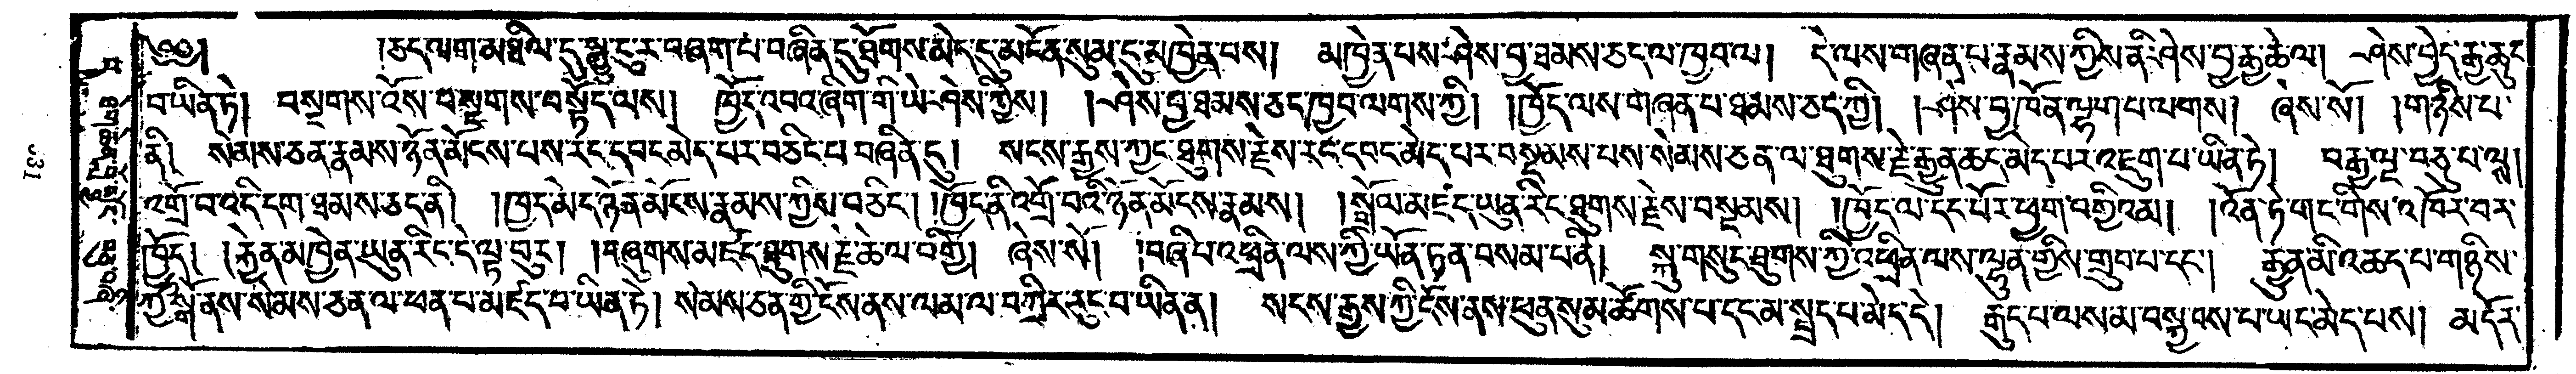༄༅། །ཅད་ལག་མཐིལ་དུ་སྒྱུ་ངུ་ར་བཞག་པ་བཞིན་དུ་ཐོགས་མེད་དུ་མངོན་སུམ་དུ་མཁྱེན་པས། མཁྱེན་པས་ཤེས་བྱ་ཐམས་ཅད་ལ་ཁྱབ་ལ། དེ་ལས་གཞན་པ་རྣམས་ཀྱིས་ནི་ཤེས་བྱ་རྒྱ་ཆེ་ལ། ཤེས་བྱེད་རྒྱ་ཆུང་
བ་ཡིན་ཏེ། བསྔགས་འོས་བསྔགས་བསྟོད་ལས། ཁྱོད་འབའ་ཞིག་གི་ཡེ་ཤེས་ཀྱིས། །ཤེས་བྱ་ཐམས་ཅད་ཁྱབ་ལགས་ཀྱི། །ཁྱོད་ལས་གཞན་པ་ཐམས་ཅད་ཀྱི། །ཤེས་བྱ་ཁོ་ན་ལྷག་པ་ལགས། ཞེས་སོ། །གཉིས་པ་
ནི། སེམས་ཅན་རྣམས་ཉོན་མོངས་པས་རང་དབང་མེད་པར་བཅིང་པ་བཞིན་དུ། སངས་རྒྱས་ཀྱང་ཐུགས་རྗེས་རང་དབང་མེད་པར་བསྔམས་པས་སེམས་ཅན་ལ་ཐུགས་རྗེ་རྒྱུན་ཆད་མེད་པར་འཇུག་པ་ཡིན་ཏེ། བརྒྱ་ལྔ་བཅུ་པ་ལས།
འགྲོ་བ་འདི་དག་ཐམས་ཅད་ནི། །ཁྱད་མེད་ཉོན་མོངས་རྣམས་ཀྱིས་བཅིང་། །ཁྱོད་ནི་འགྲོ་བའི་ཉོན་མོངས་རྣམས། །སྒྲོལ་མཛད་ཡུན་རིང་ཐུགས་རྗེས་བསྔམས། །ཁྱོད་ལ་དང་པོར་ཕྱག་བགྱིའམ། །འོན་ཏེ་གང་གིས་འཁོར་བར་
ཁྱོད། །རྐྱེན་མཁྱེན་ཡུན་རིང་དེ་ལྟ་བུར། །བཞུགས་མཛད་ཐུགས་རྗེ་ཆེ་ལ་བགྱི། ཞེས་སོ། །བཞི་པ་འཕྲིན་ལས་ཀྱི་ཡོན་ཏན་བསམ་པ་ནི། སྐུ་གསུང་ཐུགས་ཀྱི་འཕྲིན་ལས་ལྷུན་གྱིས་གྲུབ་པ་དང་། རྒྱུན་མི་འཆད་པ་གཉིས་
ཀྱི་སྒོ་ནས་སེམས་ཅན་ལ་ཕན་པ་མཛད་བ་ཡིན་ཏེ། སེམས་ཅན་གྱི་ངོས་ནས་ལམ་ལ་བཀྲིར་རུང་བ་ཡིན་ན། སངས་རྒྱས་ཀྱི་ངོས་ནས་ཕུན་སུམ་ཚོགས་པ་དང་མ་སྤྲད་པ་མེད་དེ། རྒུད་པ་ལས་མ་བསྐྱབས་པ་ཡང་མེད་པས། མདོར་